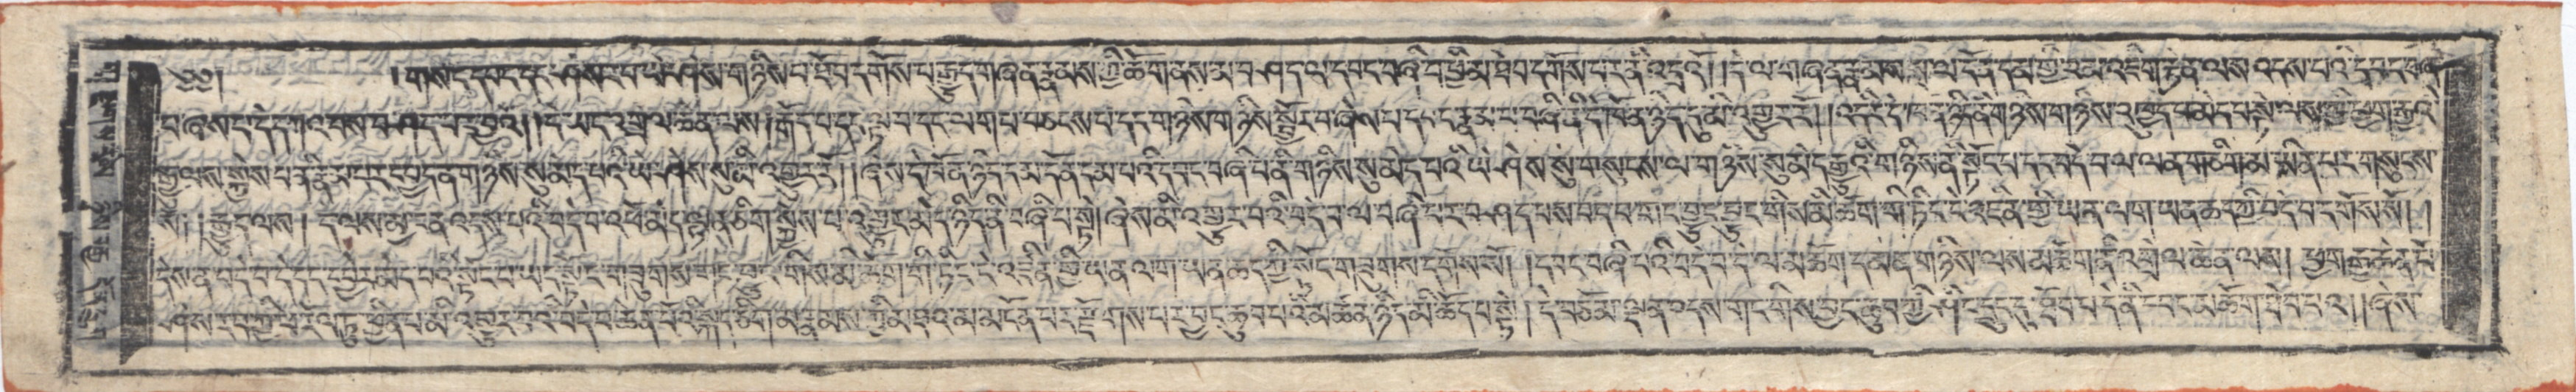༄༅། །གསང་དབང་དང་ཤེས་རབ་ཡེ་ཤེས་གཉིས་པ་ཐོབ་དགོས་པ་རྒྱུད་གཞན་རྣམས་ཀྱི་ཆོ་ག་ནས་མ་བཤད་ལ་དབང་བཞི་པ་ཕྱི་མ་ཐོབ་དགོས་པར་ནི་འདྲའོ། །དེ་ལ་གཞན་རྣམས་སླ་ལ་དོན་དམ་གྱི་འམ་འཇིག་རྟེན་ལས་འདས་པའི་དབང་བཞི་
པ་ཞེས་པ་དེ་དཀའ་བས་བཤད་པར་བྱའོ། །དེ་ཡང་འགྲེལ་ཆེན་ལས། རྒོད་པ་དང་ལྟ་བ་དང་ལག་པ་བཅིངས་?་པ་དང་གཉིས་གཉིས་སྦྱོར་བ་ཞེས་པ་དབང་རྣམ་པ་བཞི་ནི་དེ་ཁོ་ན་ཉིད་དུ་མི་འགྱུར་རོ། །འདིར་དེ་ཁོ་ན་ཉིད་ནི་གཉིས་གཉིས་འཁྱུད་པ་མེད་པ་སྟེ་ལས་ཀྱི་ཕྱག་རྒྱའི་
རྒྱུ་ལས་སྐྱེས་པ་ནི་རྣམ་པར་དཔྱད་ན་གཉིས་སུ་མེད་པའི་ཡེ་ཤེས་སུ་མི་འགྱུར་རོ། །ཞེས་དེ་ཁོ་ན་ཉིད་དམ་དོན་དམ་པའི་དབང་བཞི་པ་ནི་གཉིས་སུ་མེད་པའི་ཡེ་ཤེས་སུ་གསུངས་ལ་གཉིས་སུ་མེད་རྒྱུའི་གཉིས་ནི་སྟོང་པ་དང་བདེ་བ་ལ་ལན་གཅིག་མ་ཡིན་པར་གསུངས་
སོ། །རྒྱུད་ལས། དེ་ལས་མྱ་ངན་འདས་པའི་བདེ་བ་འཕོ་མེད་ལྷན་ཅིག་སྐྱེས་པ་འགྱུར་མེད་ཉིད་ནི་བཞི་པ་སྟེ། ཞེས་མི་འགྱུར་བའི་བདེ་བ་ལ་བཞི་པར་བཤད་པས་བདེ་བ་གང་བྱུང་བྱུང་གིས་མི་ཆོག་གི་ཏིང་ངེ་འཛིན་གྱི་ཡན་ལག་ཡན་ཆད་ཀྱི་བདེ་བ་དགོས་སོ། །
དེས་ན་བདེ་བ་དེ་དང་དབྱེར་མེད་པའི་སྟོང་པ་ཡང་སྟོང་གཟུགས་གང་བྱུང་གིས་མི་ཆོག་གི་ཏིང་ངེ་འཛིན་གྱི་ཡན་ལག་ཡན་ཆད་ཀྱི་སྟོང་གཟུགས་དགོས་སོ། །དབང་བཞི་པའི་བདེ་བ་དེ་ལ་མཆོག་དམན་གཉིས་ལས་མཆོག་ནི་འགྲེལ་ཆེན་ལས། ཕྱག་རྒྱ་ཆེན་པོ་
ཤེས་རབ་ཀྱི་ཕ་རོལ་ཏུ་ཕྱིན་པ་མི་འགྱུར་བའི་བདེ་བ་ཆེན་པོའི་སྐད་ཅིག་མ་རྣམས་ཀྱི་མཐའ་མ་མངོན་པར་རྫོགས་པར་བྱང་ཆུབ་པའི་མཚན་ཉིད་མི་ཆོད་པ་སྟེ། དེ་བཅོམ་ལྡན་འདས་གང་གིས་བྱང་ཆུབ་ཀྱི་ཤིང་དྲུང་དུ་ཐོབ་པ་དེ་ནི་དབང་མཆོག་ཐོབ་པའོ། །ཞེས་